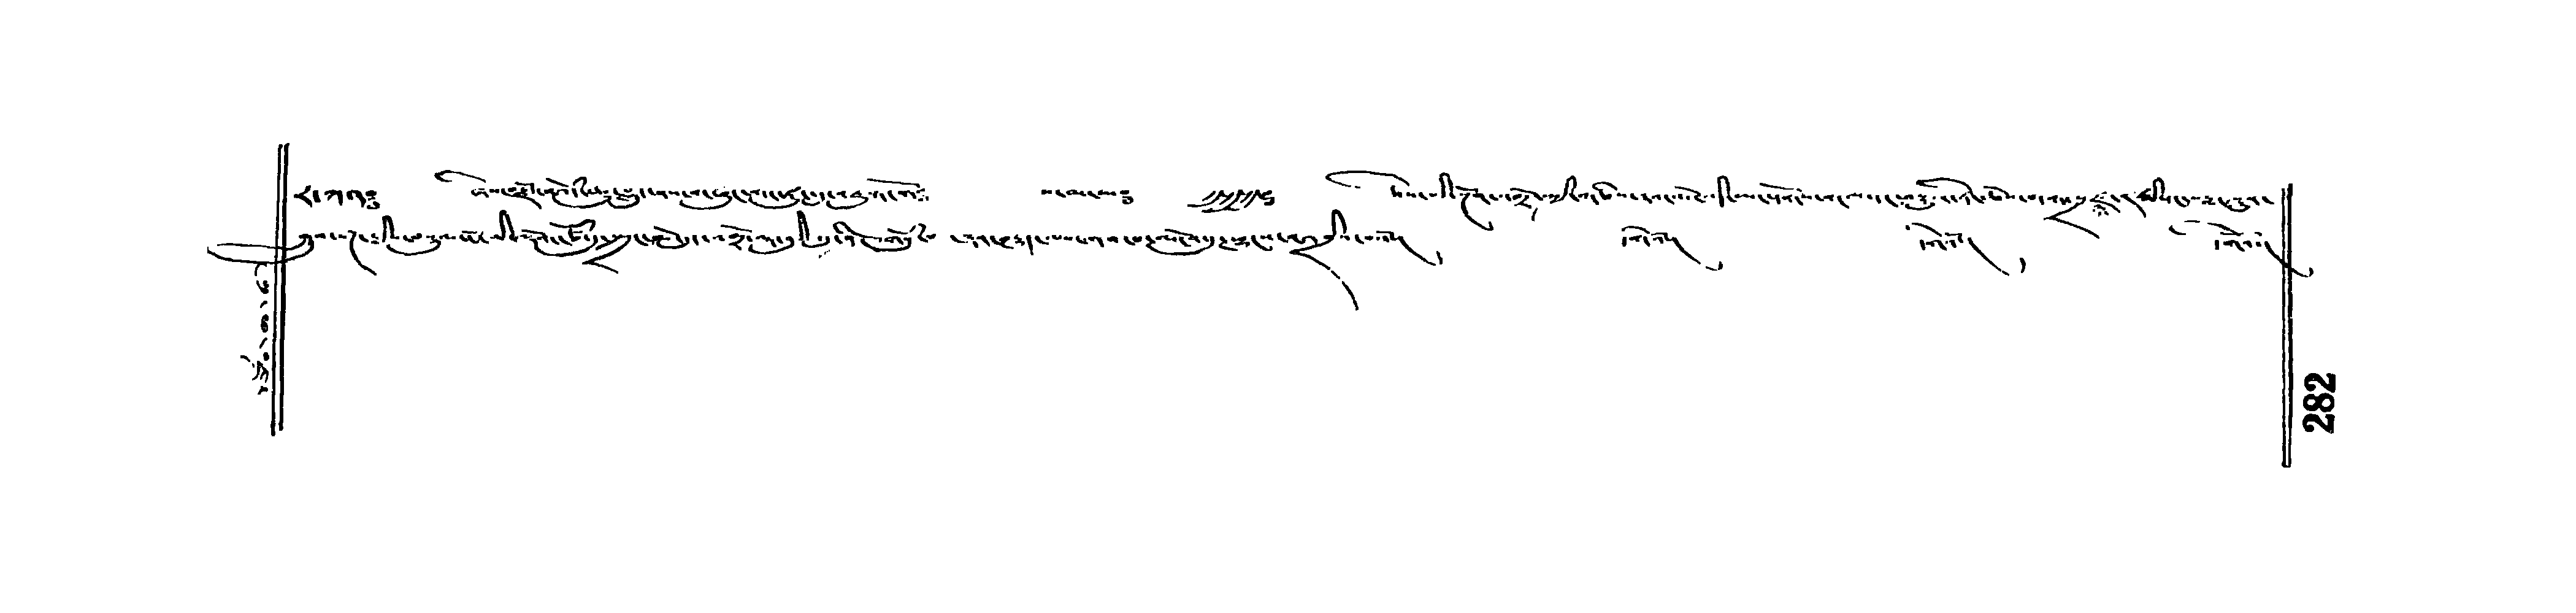ར་ཀན༔ ཞེས་བརྗོད་ནས་དམ་ཆུ་བླུད་ནས་གཞུང་གང་རུང་དུ་འཇུག་གོ༔ ས་མ་ཡ༔ རྒྱ་རྒྱ་རྒྱ༔ ཅེས་པའི་སྔོན་འགྲོ་སྤྱི་གཅེས་ཟབ་མོ་འདི་ཡང་དགོས་གལ་དང་བསྟུན་ཏེ་ཆོས་བདག་པྲཛྙཱ་རསྨི་དང་པདྨ་ལྷུན་
གྲུབ་སོགས་ཀྱིས་བསྐུལ་ངོར་མི་ལྡོག་ཙམ་དུ་སྤྲང་མོ་དུད་འགྲོ་ལྟ་བུའི་འདུ་ཤེས་གསུམ་པ་སྙན་བརྒྱུད་ལས་གབ་པ་མངོན་དུ་ཕྱུངས་ནས་བྲིས་པ་དགེའོ།། མངྒ་ལམ།།